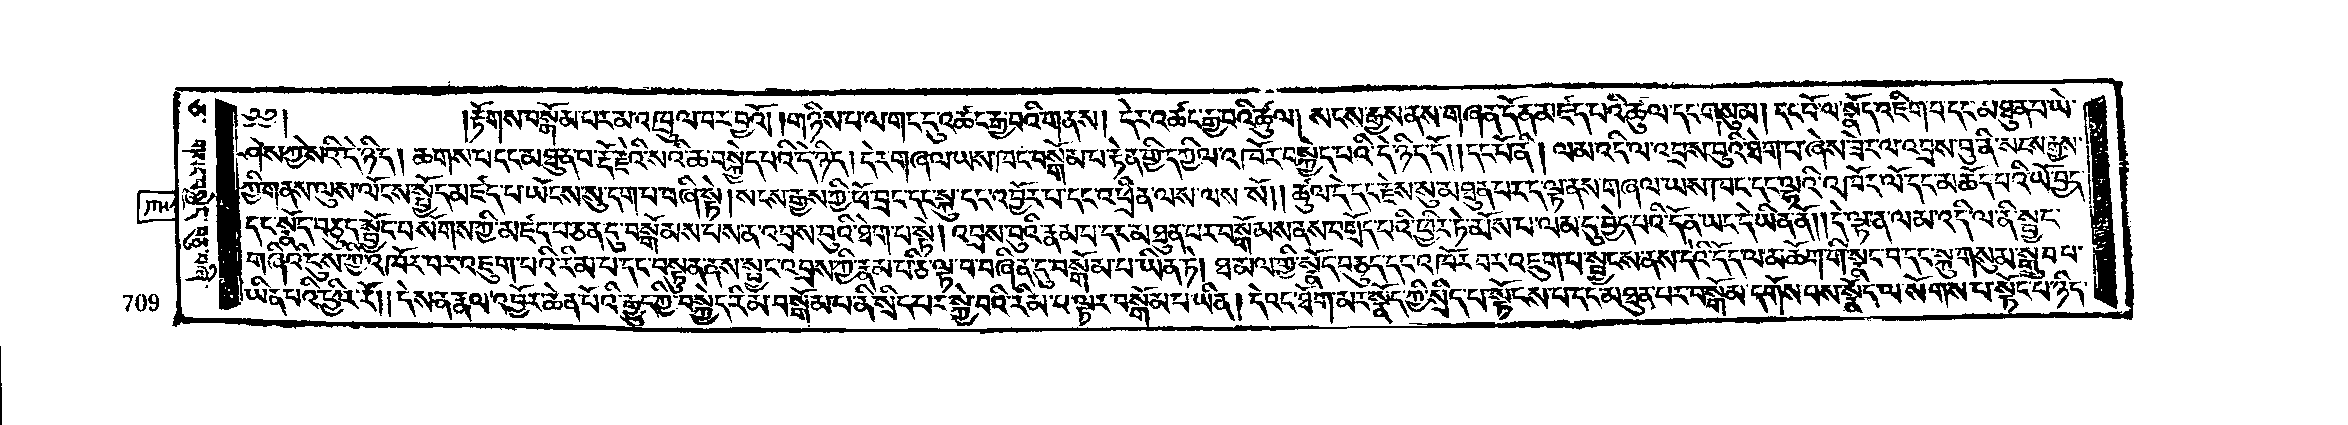༄༅། །རྟོགས་བསྒོམ་པར་མ་འཁྲུལ་བར་བྱའོ། །གཉིས་པ་ལ་གང་དུ་འཚང་རྒྱ་བའི་གནས། དེར་འཚང་རྒྱ་བའི་ཚུལ། སངས་རྒྱས་ནས་གཞན་དོན་མཛད་པའི་ཚུལ་དང་གསུམ། དང་པོ་ལ་སྣོད་འཇིག་པ་དང་མཐུན་པ་ཡེ་
ཤེས་ཀྱི་སའི་དེ་ཉིད། ཆགས་པ་དང་མཐུན་པ་རྡོ་རྗེའི་སའི་ཆ་བསྐྱེད་པའི་དེ་ཉིད། དེར་གཞལ་ཡས་ཁང་བསྒོམ་པ་རྟེན་གྱི་དཀྱིལ་འཁོར་བསྐྱེད་པའི་དེ་ཉིད་དོ། །དང་པོ་ནི། ལམ་འདི་ལ་འབྲས་བུའི་ཐེག་པ་ཞེས་ཟེར་ལ་འབྲས་བུ་ནི་སངས་རྒྱས་
ཀྱི་གནས་ལུས་ལོངས་སྤྱོད་མཛད་པ་ཡོངས་སུ་དག་པ་བཞི་སྟེ། སངས་རྒྱས་ཀྱི་ཕོ་བྲང་དང་སྐུ་དང་འབྱོར་པ་དང་འཕྲིན་ལས་ལས་སོ། །ཚུལ་དེ་དང་རྗེས་སུ་མཐུན་པར་ད་ལྟ་ནས་གཞལ་ཡས་ཁང་དང་ལྷའི་འཁོར་ལོ་དང་མཆོད་པའི་ཡོ་བྱད་
དང་སྣོད་བཅུད་སྦྱོང་བ་སོགས་ཀྱི་མཛད་པ་ཅན་དུ་བསྒོམས་པས་ན་འབྲས་བུའི་ཐེག་པ་སྟེ། འབྲས་བུའི་རྣམ་པ་དང་མཐུན་པར་བསྒོམས་ནས་བགྲོད་པའི་ཕྱིར་ཏེ་མོས་པ་ལམ་དུ་བྱེད་པའི་དོན་ཡང་དེ་ཡིན་ནོ། །དེ་ལྟ་ན་ལམ་འདི་ལ་ནི་སྦྱང་
གཞིའི་དུས་ཀྱི་འཁོར་བར་འཇུག་པའི་རིམ་པ་དང་བསྟུན་ནས་སྦྱང་འབྲས་ཀྱི་རྣམ་པ་ཅི་ལྟ་བ་བཞིན་དུ་བསྒོམ་པ་ཡིན་ཏེ། ཐ་མལ་གྱི་སྣོད་བཅུད་དང་འཁོར་བར་འཇུག་པ་སྦྱངས་ནས་དེའི་དོད་ལ་མཆོག་གི་སྣང་བ་དང་སྐུ་གསུམ་སྒྲུབ་པ་
ཡིན་པའི་ཕྱིར་རོ། །དེས་ན་རྣལ་འབྱོར་ཆེན་པོའི་རྒྱུད་ཀྱི་བསྐྱེད་རིམ་བསྒོམ་པ་ནི་སྲིད་པར་སྐྱེ་བའི་རིམ་པ་ལྟར་བསྒོམ་པ་ཡིན། དེའང་ཐོག་མར་སྣོད་ཀྱི་སྲིད་པ་སྟོངས་པ་དང་མཐུན་པར་བསྒོམ་དགོས་པས་སྣོད་ལ་སོགས་པ་སྟོང་པ་ཉིད་